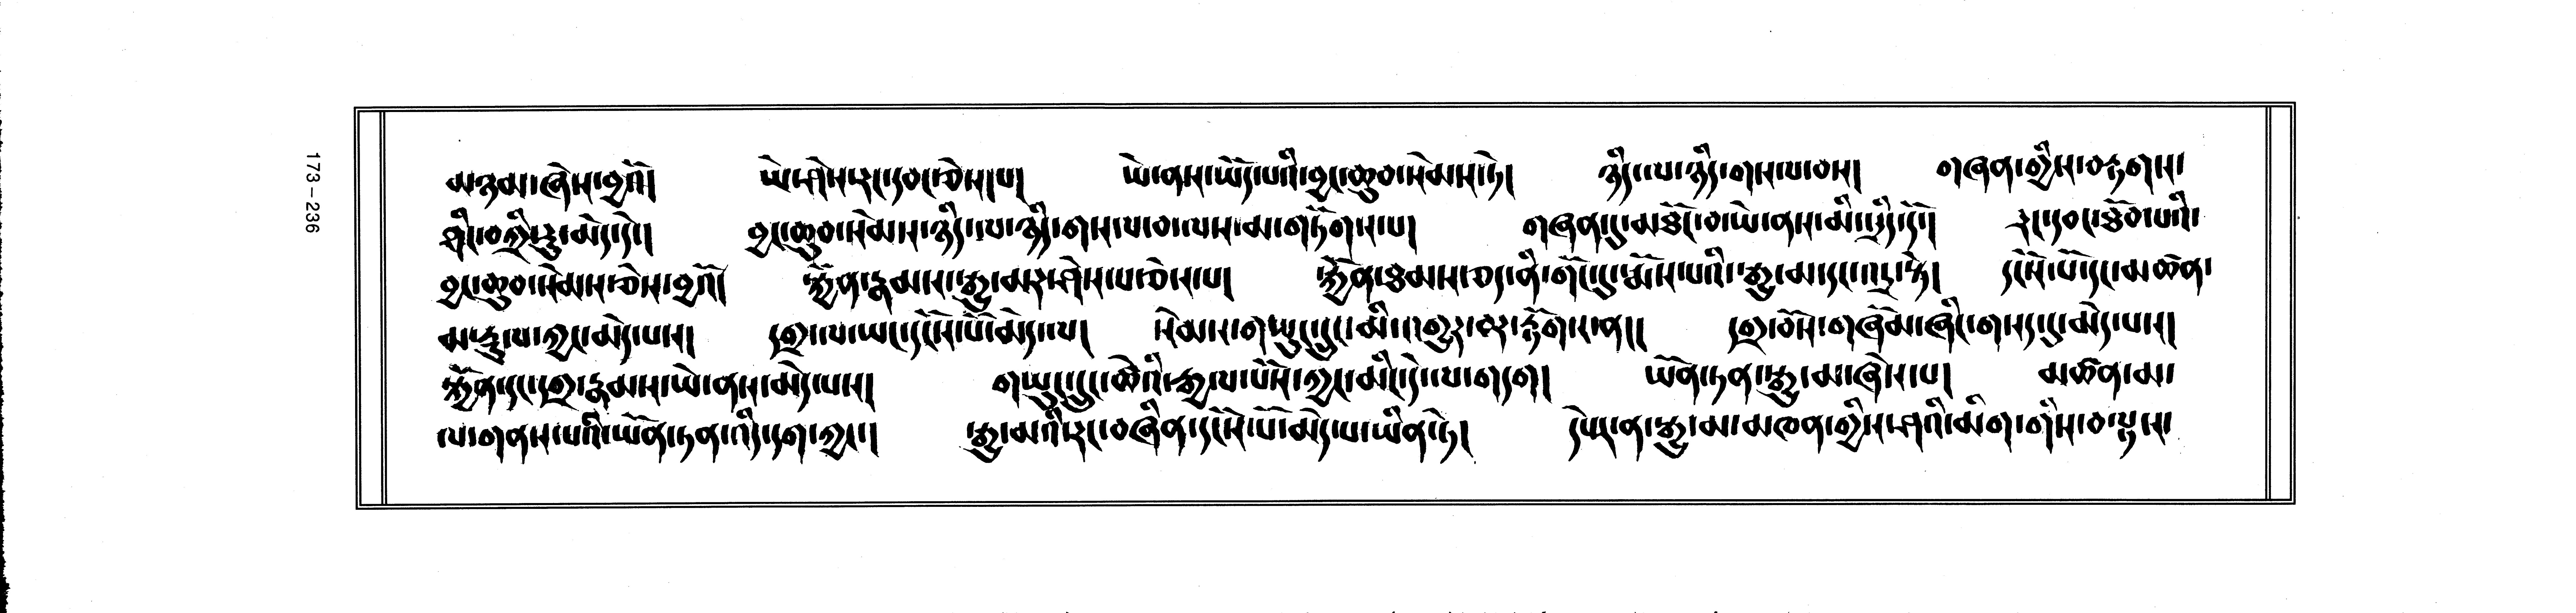མཉམ་ཞེས་བྱའོ། །ཡེ་ཤེས་རང་དབང་ཅེས་པ། ཡེ་ནས་ཡོད་པའི་བྱང་ཆུབ་སེམས་ཏེ། ཉིད་ལ་ཉིད་གསལ་བས། གཞན་གྱིས་བརྟགས་
ཤིང་བྲི་རུ་མེད་དེ། བྱང་ཆུབ་སེམས་ལ་ཉིད་གསལ་བ་ལས་མ་གཏོགས་པ། གཞན་དུ་མཐོང་བ་ཡེ་ནས་མི་སྲིད་དོ། །རང་དབང་ཐོབ་པའི་
བྱང་ཆུབ་སེམས་ཞེས་བྱའོ། །སྐྱོན་རྣམས་སྒྱུ་མར་ཤེས་པ་ཅེས་པ། སྐྱོན་ཐམས་ཅད་ནི་གོང་དུ་སྨོས་པའི་སྒྱུ་མ་དང་འདྲ་སྟེ། དངོས་པོ་དང་མཚན་
མ་རྡུལ་ཀྱང་མེད་པས། དགྲ་ལ་ཡང་དངོས་པོ་མེད་ལ། སེམས་གཡུང་དྲུང་མི་འགྱུར་བར་རྟོགས་ན། དགྲ་བོས་གཞོམ་ཞིང་གསད་དུ་མེད་པས།
 སྐྱོན་དང་དགྲ་རྣམས་ཡེ་ནས་མེད་པས། གཡུང་དྲུང་ཚེ་ཡི་རྒྱལ་པོས་ཀྱང་མིང་དེ་ལ་གདགས། ཡོན་ཏན་སྒྱུ་མ་ཅེས་པ། མཚན་མ་
ལ་གནས་པའི་ཡོན་ཏན་འདི་དག་ཀྱང་། སྒྱུ་མའི་རང་བཞིན་དངོས་པོ་མེད་པ་ཡིན་ཏེ། དཔེར་ན་སྒྱུ་མ་མཁན་གྱིས་ཤའི་མིག་གིས་བལྟས་པས་